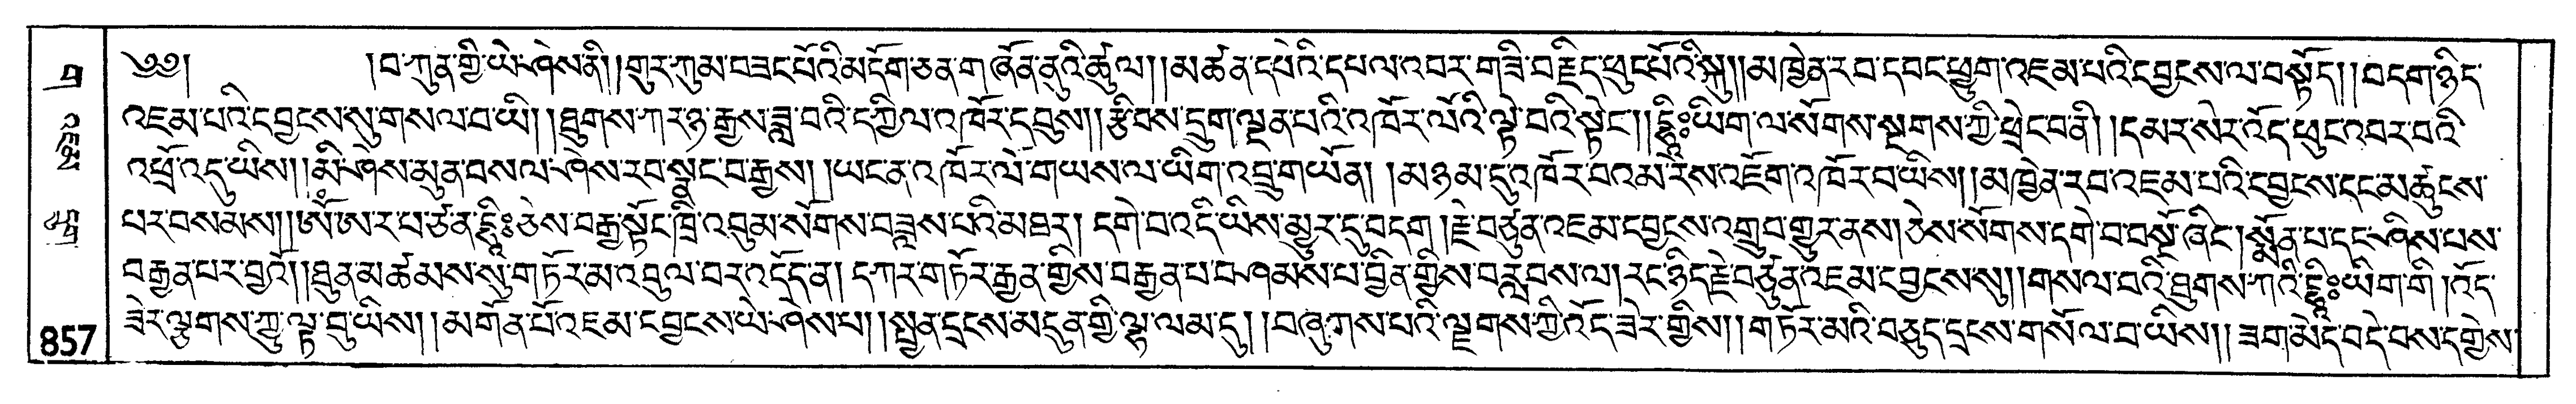༄༅། །བ་ཀུན་གྱི་ཡེ་ཤེས་ནི། །གུར་ཀུམ་བཟང་པོའི་མདོག་ཅན་གཞོན་ནུའི་ཚུལ། །མཚན་དཔེའི་དཔལ་འབར་གཟི་བརྗིད་ཕུང་པོའི་སྐུ། །མཁྱེན་རབ་དབང་ཕྱུག་འཇམ་པའི་དབྱངས་ལ་བསྟོད། །བདག་ཉིད་
འཇམ་པའི་དབྱངས་སུ་གསལ་བ་ཡི། །ཐུགས་ཀར་ཉ་རྒྱས་ཟླ་བའི་དཀྱིལ་འཁོར་དབུས། །རྩིབས་དྲུག་ལྡན་པའི་འཁོར་ལོའི་ལྟེ་བའི་སྟེང་། །དྷཱིཿ ཡིག་ལ་སོགས་སྔགས་ཀྱི་ཕྲེང་བ་ནི། །དམར་སེར་འོད་ཕུང་འབར་བའི་
འཕྲོ་འདུ་ཡིས། །མི་ཤེས་མུན་བསལ་ཤེས་རབ་སྣང་བ་རྒྱས། །ཡང་ན་འཁོར་ལོ་གཡས་ལ་ཡིག་འབྲུ་གཡོན། །མཉམ་དུ་འཁོར་བའམ་རེས་འཇོག་འཁོར་བ་ཡིས། །མཁྱེན་རབ་འཇམ་པའི་དབྱངས་དང་མཚུངས་
པར་བསམས། །ཨོཾ་ཨ་ར་པ་ཙ་ན་དྷཱིཿ ཅེས་བརྒྱ་སྟོང་ཁྲི་འབུམ་སོགས་བཟླས་པའི་མཐར། དགེ་བ་འདི་ཡིས་མྱུར་དུ་བདག །རྗེ་བཙུན་འཇམ་དབྱངས་འགྲུབ་གྱུར་ནས། ཅེས་སོགས་དགེ་བ་བསྔོ་ཞིང་། སྨོན་པ་དང་ཤིས་པས་
བརྒྱན་པར་བྱའོ། །ཐུན་མཚམས་སུ་གཏོར་མ་འབུལ་བར་འདོད་ན། དཀར་གཏོར་རྒྱན་གྱིས་བརྒྱན་པ་བཤམས་པ་བྱིན་གྱིས་བརླབས་ལ། རང་ཉིད་རྗེ་བཙུན་འཇམ་དབྱངས་སུ། །གསལ་བའི་ཐུགས་ཀའི་དྷཱིཿ ཡིག་གི །འོད་
ཟེར་ལྕགས་ཀྱུ་ལྟ་བུ་ཡིས། །མགོན་པོ་འཇམ་དབྱངས་ཡེ་ཤེས་པ། །སྤྱན་དྲངས་མདུན་གྱི་ལྷ་ལམ་དུ། །བཞུགས་པའི་ལྗགས་ཀྱི་འོད་ཟེར་གྱིས། །གཏོར་མའི་བཅུད་དྲངས་གསོལ་བ་ཡིས། །ཟག་མེད་བདེ་བས་དགྱེས་